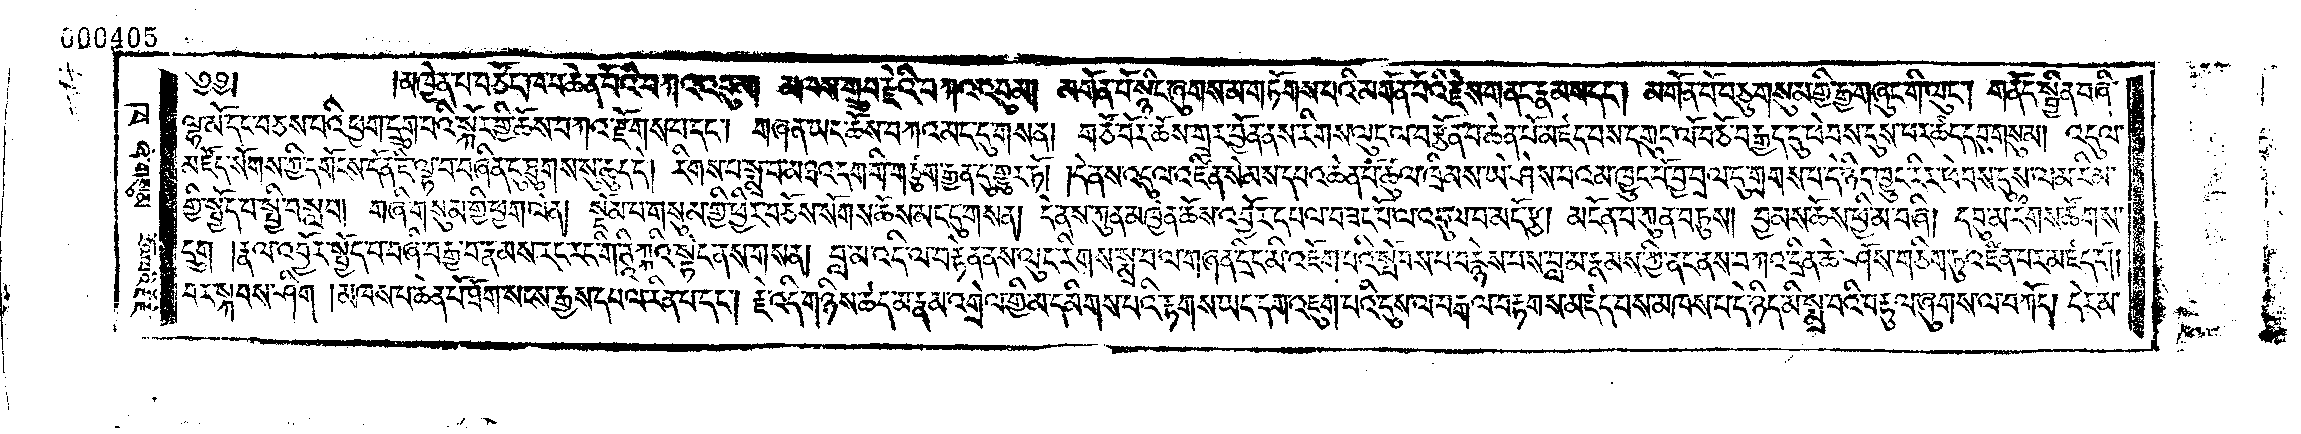༄༅། །མཁྱེན་པ་བཙོང་ཁ་པ་ཆེན་པོའི་བཀའ་འབུམ། མཁས་གྲུབ་རྗེའི་བཀའ་འབུམ། མགོན་པོ་སྙིང་ཞུགས་མ་གཏོགས་པའི་མགོན་པོའི་རྗེས་གནང་རྣམས་དང་། མགོན་པོ་བཅུ་གསུམ་གྱི་རྒྱ་གཞུང་གི་ལུང་། གནོད་སྦྱིན་བཞི་
ལྷ་མོ་དང་བཅས་པའི་ཕྱག་དྲུག་པའི་སྐོར་གྱི་ཆོས་བཀའ་རྫོགས་པ་དང་། གཞན་ཡང་ཆོས་བཀའ་མང་དུ་གསན། གཙོ་བོར་ཆོས་གྲར་བྱོན་ནས་རིགས་ལུང་ལ་བརྩོན་པ་ཆེན་པོ་མཛད་པས་དགུང་ལོ་བཅོ་བརྒྱད་དུ་ཕེབས་དུས་ཕར་ཚད་དབུ་གསུམ། འདུལ་
མཛོད་སོགས་ཀྱི་དགོངས་དོན་ཇི་ལྟ་བ་བཞིན་དུ་ཐུགས་སུ་ཆུད་དེ། རིགས་པ་སྨྲ་པ་མཐའ་དག་གི་གཙུག་རྒྱན་དུ་གྱུར་ཏོ། །དེ་ནས་འདུལ་འཛིན་སེམས་དཔའ་ཆེན་པོ་ཚུལ་ཁྲིམས་ཡེ་ཤེས་པའམ་ཁྱུང་པོ་བྱ་བྲལ་དུ་གྲགས་པ་དེ་ཉིད་ཁྱུང་རིར་ཕེབས་དུས་ལམ་རིམ་
གྱི་སྤྱོད་པ་སྤྱི་བསླབ། གཞི་གསུམ་གྱི་ཕྱག་ལེན། སྡོམ་པ་གསུམ་གྱི་ཕྱིར་བཅོས་སོགས་ཆོས་མང་དུ་གསན། དེ་ནས་ཀུན་མཁྱེན་ཆོས་འབྱོར་དཔལ་བཟང་པོ་ལ་འདུལ་བ་མདོ་རྩ། མངོན་པ་ཀུན་བཏུས། བྱམས་ཆོས་ཕྱི་མ་བཞི། དབུ་མ་རྀགས་ཚོགས་
དྲུག །རྣལ་འབྱོར་སྤྱོད་པ་བཞི་བརྒྱ་བ་རྣམས་རང་རང་གི་ཊཱིཀྐའི་སྟེང་ནས་གསན། བླ་མ་འདི་ལ་བརྟེན་ནས་ལུང་རིགས་སྨྲ་བ་ལ་གཞན་དྲིང་མི་འཇོག་པའི་སྤོབས་པ་བརྙེས་པས་བླ་མ་རྣམས་ཀྱི་ནང་ནས་བཀའ་དྲིན་ཆེ་ཤོས་གཅིག་ཏུ་འཛིན་པར་མཛད་དོ། །
བར་སྐབས་ཤིག །མཁས་པ་ཆེན་པོ་ཐོག་སངས་རྒྱས་དཔལ་རིན་པ་དང་། རྗེ་འདི་གཉིས་ཚད་མ་རྣམ་འགྲེལ་གྱི་མ་དམིགས་པའི་རྟགས་ཡང་དག་འཇུག་པའི་དུས་ལ་བརྒལ་བརྟགས་མཛད་པས་མཁས་པ་དེ་ཉིད་མི་སྨྲ་བའི་བརྟུལ་ཞུགས་ལ་བཀོད། དེར་མ་